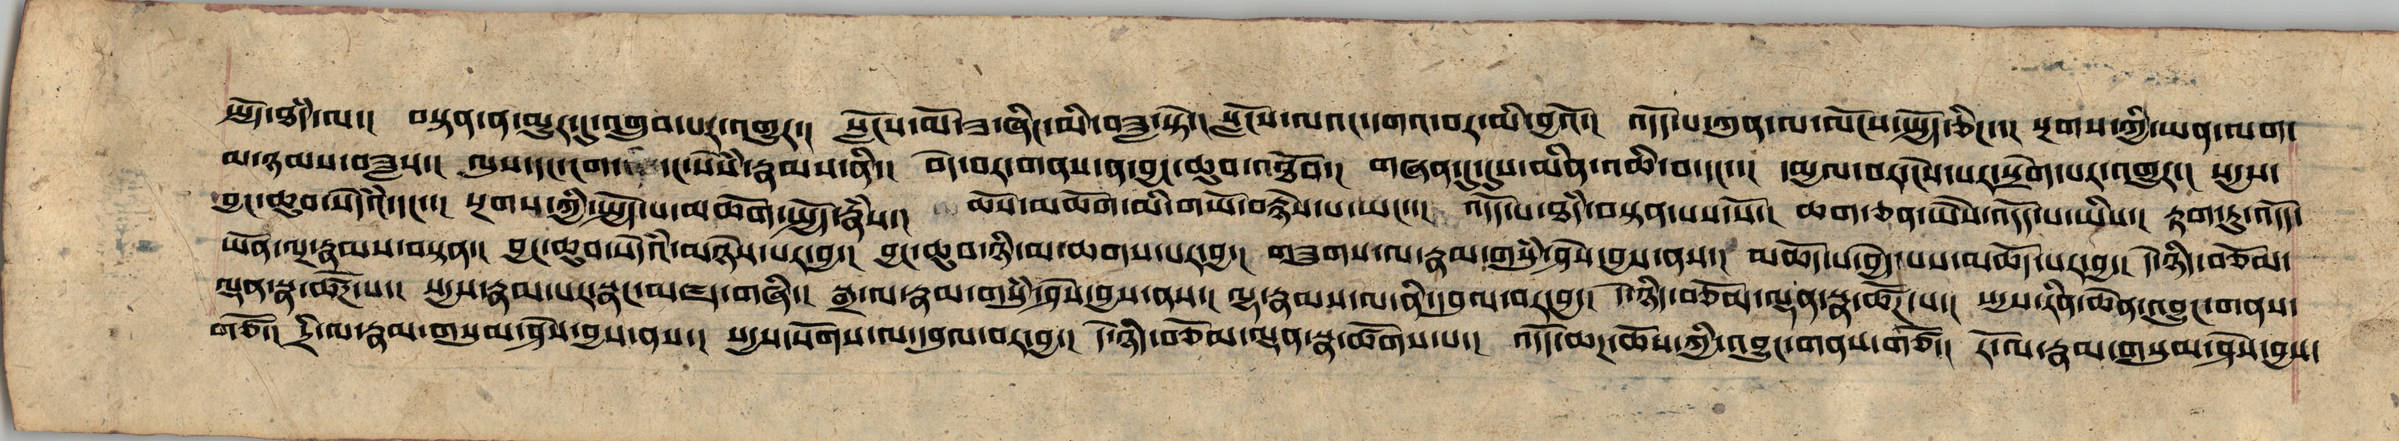སྤྱོད་ཐཾད་ལ་། བསྟན་ན་མྱུར་དུ་འགྲུབ་པར་འགྱུར་། སློངས་མོ་ཟ་ཞིང་མི་བཟླ་སྟེ་། སློངས་ལའང་དགའ་བར་མི་བྱའོ་། འདོད་པ་ཀུན་ལ་ལོངས་སྤྱོད་ཅིང་་། སྔགས་ཀྱི་ཡན་ལག་
མ་ཉམས་བཟླས་། ལུས་དང་ངག་དང་སེཾས་རྣམས་ནི་། བདེ་བར་གནས་ན་བྱང་ཆུབ་འཐོབ་། གཞན་དུ་དུས་མིན་འཆི་བ་དང་་། དམྱལ་བར་ངེས་པར་སྲེག་པར་འགྱུར་། སདྱས་
བྱང་ཆུབ་སེདཾའ་དང་་། སྔགས་ཀྱི་སྤྱོད་པ་མཆོག་སྤྱོད་རྣཾས་། ཆོས་མཆོག་མི་གཡོ་བརྙེས་པ་ཡང་་། འདོད་པ་ཐཾད་བསྟན་པས་སོ་། ཆག་ཅན་ཡཻས་འདོད་པ་ཡིས་། རྟག་ཏུ་འདོད་
ཡོན་ལྔ་རྣམས་བསྟན་། བྱང་ཆུབ་སེདཾའ་མཉེས་པར་བྱ་། བྱང་ཆུབ་ཉི་མ་ཆགས་པར་བྱ་། གཟུགས་ལ་རྣམ་གསུཾ་ཤེས་བྱས་ནས་། མཆོད་པ་བྱེད་པས་མཆོད་པར་བྱ་། དེ་ཉིད་བཅོམ་
ལྡན་སྣ་ཚོཌ་པ་། སདྱས་རྣམ་པར་སྣང་མཛད་གཞི་། སྒྲ་ལ་རྣམ་གསུཾ་ཤེས་བྱས་ནས་། ལྷ་རྣམས་ལ་ནི་དབུལ་བར་བྱ་། དེ་ཉིད་བཅོམ་ལྡན་སྣ་ཚོཌ་པ་། སདྱས་རིན་ཆེན་འབྱུང་གནས་
གཙོ་། དྲི་མ་རྣམ་གསུམ་ཤེས་བྱས་ནས་། སདྱས་སོགས་ལ་དབུལ་བར་བྱ་། དེ་ཉིད་བཅོམ་ལྡན་སྣ་ཚོགས་པ་། འདོད་ཆཌ་ཆོས་ཀྱི་འབྱུང་གནས་གཙོ་། རོ་ལ་རྣམ་གསུམ་ཤེས་བྱས་